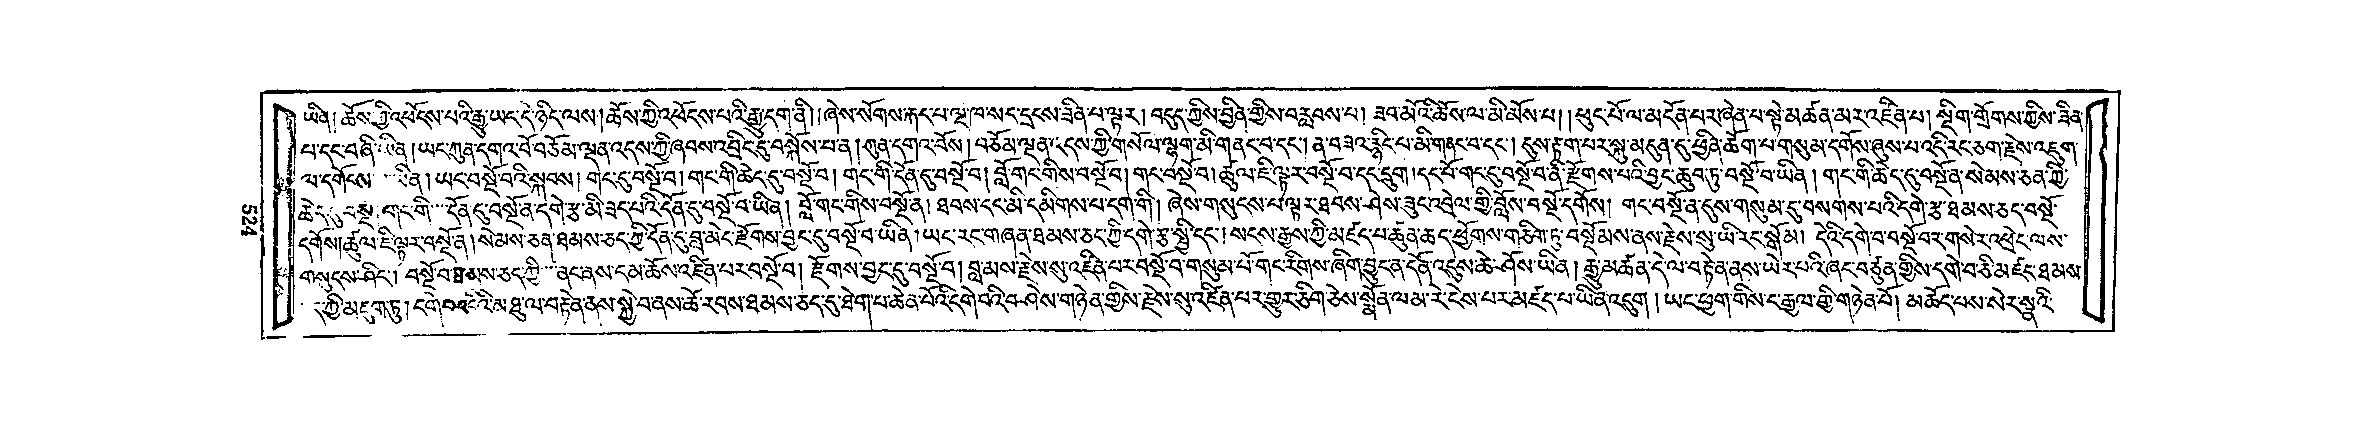ཡིན། ཆོས་ཀྱི་འཕོངས་པའི་རྒྱུ་ཡང་དེ་ཉིད་ལས། ཆོས་ཀྱི་འཕོངས་པའི་རྒྱུ་དག་ནི། །ཞེས་སོགས་རྐང་པ་ལྔ་ཁ་སང་དྲངས་ཟིན་པ་ལྟར། བདུད་ཀྱིས་བྱིན་གྱིས་བརླབས་པ། ཟབ་མོའི་ཆོས་ལ་མི་མོས་པ། །ཕུང་པོ་ལ་མངོན་པར་ཞེན་པ་སྟེ་མཚན་མར་འཛིན་པ། སྡིག་གྲོགས་ཀྱིས་ཟིན་
པ་དང་བཞི་ཡིན། ཡང་ཀུན་དགའ་བོ་བཅོམ་ལྡན་འདས་ཀྱི་ཞབས་འབྲིང་དུ་བསྐོས་པ་ན། ཀུན་དགའ་བོས། བཅོམ་ལྡན་འདས་ཀྱི་གསོལ་ལྷག་མི་གནང་བ་དང་། ན་བཟའ་རྙིང་པ་མི་གནང་བ་དང་། དུས་རྟག་པར་སྐུ་མདུན་དུ་ཕྱིན་ཆོག་པ་གསུམ་དགོས་ཞུས་པ་འདི་རང་ཅག་རྗེས་འཇུག་
ལ་དགོངས་པ་ཡིན། ཡང་བསྔོ་བའི་སྐབས། གང་དུ་བསྔོ་བ། གང་གི་ཆེད་དུ་བསྔོ་བ། གང་གི་དོན་དུ་བསྔོ་བ། བློ་གང་གིས་བསྔོ་བ། གང་བསྔོ་བ། ཚུལ་ཇི་ལྟར་བསྔོ་བ་དང་དྲུག །དང་པོ་གང་དུ་བསྔོ་བ་ནི་རྫོགས་པའི་བྱང་ཆུབ་ཏུ་བསྔོ་བ་ཡིན། གང་གི་ཆེད་དུ་བསྔོ་ན་སེམས་ཅན་ཀྱི་
ཆེད་དུ་བསྔོ། གང་གི་དོན་དུ་བསྔོ་ན་དགེ་རྩ་མི་ཟད་པའི་དོན་དུ་བསྔོ་བ་ཡིན། བློ་གང་གིས་བསྔོ་ན། ཐབས་དང་མི་དམིགས་པ་དག་གི །ཞེས་གསུངས་པ་ལྟར་ཐབས་ཤེས་ཟུང་འབྲེལ་གྱི་བློས་བསྔོ་དགོས། གང་བསྔོ་ན་དུས་གསུམ་དུ་བསགས་པའི་དགེ་རྩ་ཐམས་ཅད་བསྔོ་
དགོས། ཚུལ་ཇི་ལྟར་བསྔོ་ན། སེམས་ཅན་ཐམས་ཅད་ཀྱི་དོན་དུ་བླ་མེད་རྫོགས་བྱང་དུ་བསྔོ་བ་ཡིན། ཡང་རང་གཞན་ཐམས་ཅད་ཀྱི་དགེ་རྩ་སྤྱི་དང་། སངས་རྒྱས་ཀྱི་མཛད་པ་ཚུན་ཆད་ཕྱོགས་གཅིག་ཏུ་བསྡོམས་ནས་རྗེས་སུ་ཡི་རང་སྒོམ། དེའི་དགེ་བ་བསྔོ་བར་གསེར་འཕྲེང་ལས་
གསུངས་ཤིང་། བསྔོ་བ་ཐམས་ཅད་ཀྱི་ནང་ནས་དམ་ཆོས་འཛིན་པར་བསྔོ་བ། རྫོགས་བྱང་དུ་བསྔོ་བ། བླ་མས་རྗེས་སུ་འཛིན་པར་བསྔོ་བ་གསུམ་པོ་གང་རིགས་ཞིག་བྱུང་ན་དོན་འདུས་ཆེ་ཤོས་ཡིན། རྒྱུ་མཚན་དེ་ལ་བརྟེན་ནས་ཡེར་པའི་ཞང་བཙུན་གྱིས་དགེ་བ་ཅི་མཛད་ཐམས་
ཅད་ཀྱི་མཇུག་ཏུ། དགེ་བ་འདིའི་མཐུ་ལ་བརྟེན་ནས་སྐྱེ་བ་ནས་ཚེ་རབས་ཐམས་ཅད་དུ་ཐེག་པ་ཆེན་པོའི་དགེ་བའི་བཤེས་གཉེན་གྱིས་རྗེས་སུ་འཛིན་པར་གྱུར་ཅིག་ཅེས་སྨོན་ལམ་རེ་ངེས་པར་མཛད་པ་ཡིན་འདུག །ཡང་ཕྱག་གིས་ང་རྒྱལ་གྱི་གཉེན་པོ། མཆོད་པས་སེར་སྣའི་